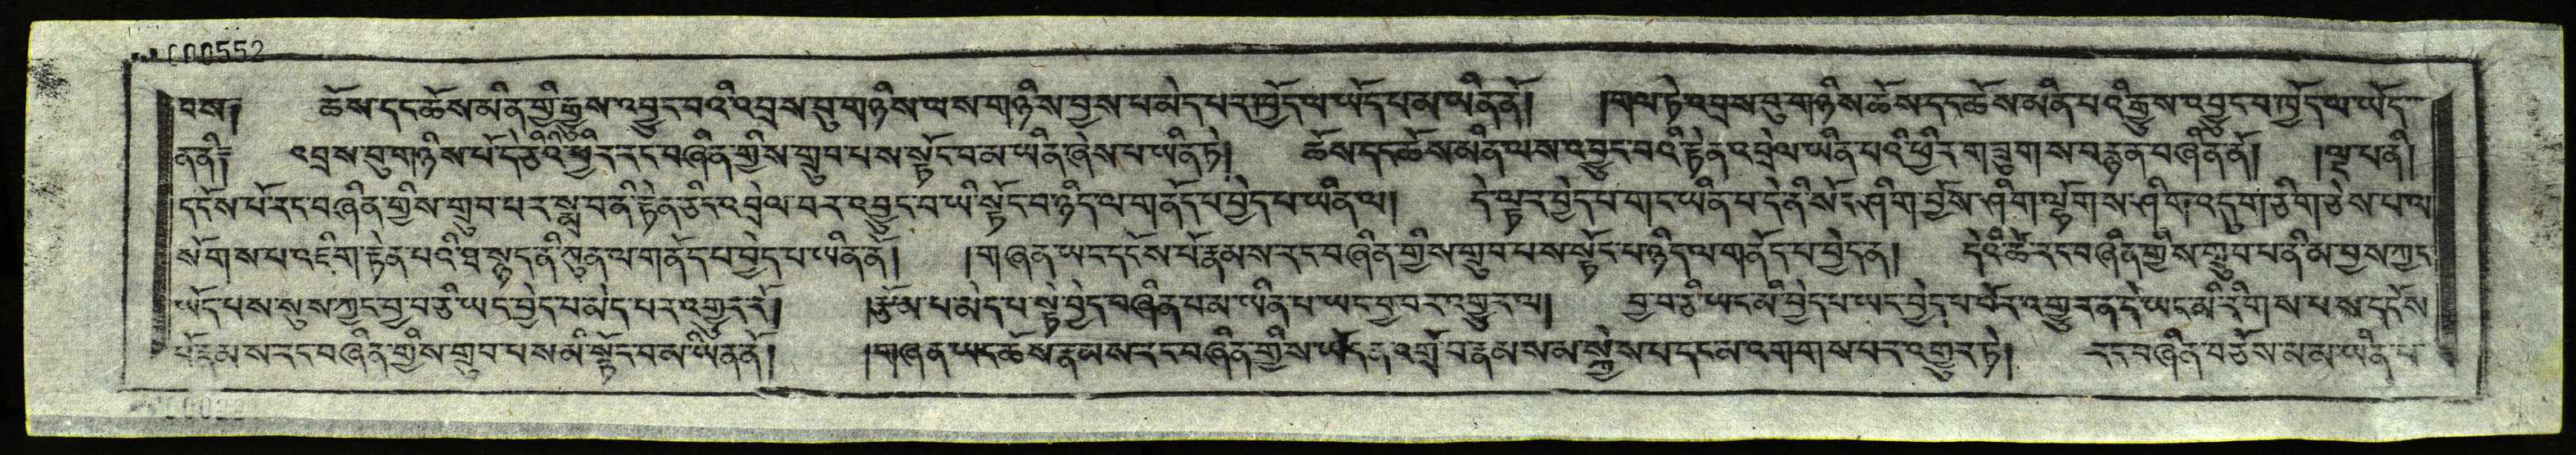བས༑ ཆོས་དང་ཆོས་མིན་གྱི་རྒྱུས་འབྱུང་བའི་འབྲས་བུ་གཉིས་ལས་གཉིས་བྱས་པ་མེད་པར་ཁྱོད་ལ་ཡོད་པ་མ་ཡིན་ནོ། །གལ་ཏེ་འབྲས་བུ་གཉིས་ཆོས་དང་ཆོས་མིན་པའི་རྒྱུས་འབྱུང་བ་ཁྱོད་ལ་ཡོད་
ན་ནི༑ འབྲས་བུ་གཉིས་པོ་དེ་ཅིའི་ཕྱིར་རང་བཞིན་གྱིས་གྲུབ་པས་སྟོང་པ་མ་ཡིན་ཞེས་པ་ཡིན་ཏེ། ཆོས་དང་ཆོས་མིན་ལས་འབྱུང་བའི་རྟེན་འབྲེལ་ཡིན་པའི་ཕྱིར་གཟུགས་བརྙན་བཞིན་ནོ། །ལྔ་པ་ནི།
དངོས་པོ་རང་བཞིན་གྱིས་གྲུབ་པར་སྨྲ་བ་ནི་རྟེན་ཅིང་འབྲེལ་བར་འབྱུང་བ་ཡི་སྟོང་པ་ཉིད་ལ་གནོད་པ་བྱེད་པ་ཡིན་ལ། དེ་ལྟར་བྱེད་པ་གང་ཡིན་པ་དེ་ནི་སོང་ཤིག་བྱོས་ཤིག་ལྷོགས་ཤིག་འདུག་ཅིག་ཅེས་པ་ལ་
སོགས་པ་འཇིག་རྟེན་པའི་ཐ་སྙད་ནི་ཀུན་ལ་གནོད་པ་བྱེད་པ་ཡིན་ནོ། །གཞན་ཡང་དངོས་པོ་རྣམས་རང་བཞིན་གྱིས་གྲུབ་པས་སྟོང་པ་ཉིད་ལ་གནོད་པ་བྱེད་ན། དེའི་ཚེ་རང་བཞིན་གྱིས་གྲུབ་པ་ནི་མ་བྱས་ཀྱང་
ཡོད་པས་སུས་ཀྱང་བྱ་བ་ཅི་ཡང་བྱེད་པ་མེད་པར་འགྱུར་རོ། །རྩོམ་པ་མེད་པ་སྟེ་བྱེད་བཞིན་པ་མ་ཡིན་པ་ཡང་བྱ་བར་འགྱུར་ལ། བྱ་བ་ཅི་ཡང་མི་བྱེད་པ་ཡང་བྱེད་པ་བོར་འགྱུར་ན་དེ་ཡང་མི་རིགས་པས་དངོས་
པོ་རྣམས་རང་བཞིན་གྱིས་གྲུབ་པས་མི་སྟོང་བ་མ་ཡིན་ནོ། །གཞན་ཡང་ཆོས་རྣམས་རང་བཞིན་གྱིས་ཡོད་ན་འགྲོ་བ་རྣམས་མ་སྐྱེས་པ་དང་མ་འགགས་པར་འགྱུར་ཏེ། རང་བཞིན་བཅོས་མ་མ་ཡིན་པ་